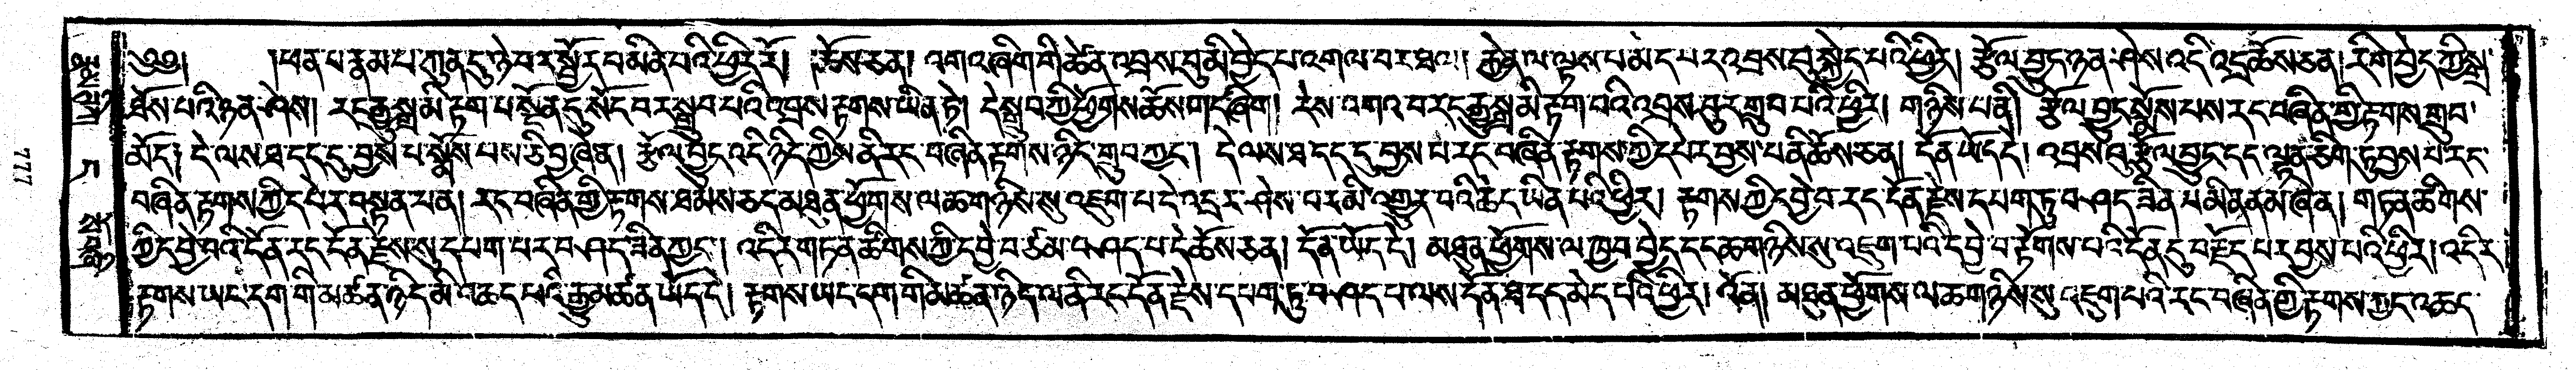༄༅། །ཕན་པ་རྣམ་པ་ཀུན་དུ་ཉེ་བར་སྦྱོར་བ་མིན་པའི་ཕྱིར་རོ། །ཆོས་ཅན། འགའ་ཞིག་གི་ཚེན་འབྲས་བུ་མི་བྱེད་པ་འགལ་བར་ཐལ། རྐྱེན་ལ་ལྟས་པ་མེད་པར་འབྲས་བུ་སྐྱེད་པའི་ཕྱིར། རྩོལ་བྱུང་ཉན་ཤེས་འདི་འདྲ་ཆོས་ཅན། རིག་བྱེད་ཀྱི་སྒྲ་
ཐོས་པའི་ཉན་ཤེས། རང་རྒྱུ་སྒྲ་མི་རྟག་པ་སྔོན་དུ་སོང་བར་སྒྲུབ་པའི་འབྲས་རྟགས་ཡིན་ཏེ། དེ་སྒྲུབ་ཀྱི་ཕྱོགས་ཆོས་གང་ཞིག། རེས་འགའ་བ་རང་རྒྱུ་སྒྲ་མི་རྟག་བའི་འབྲས་བུར་གྲུབ་པའི་ཕྱིར། གཉིས་པ་ནི། རྩོལ་བྱུང་སྨོས་པས་རང་བཞིན་གྱི་རྟགས་གྲུབ་
མོད༑ དེ་ལས་ཐ་དད་དུ་བྱས་པ་སྨོས་པས་ཅི་བྱ་ཞེ་ན། རྩོལ་བྱུང་འདི་ཉིད་ཀྱིས་ནི་རང་བཞིན་རྟགས་ཉིད་གྲུབ་ཀྱང་། དེ་ལས་ཐ་དད་དུ་བྱས་པ་རང་བཞིན་རྟགས་ཀྱི་དཔེར་བྱས་པ་ནི་ཆོས་ཅན། དོན་ཡོད་དེ། འབྲས་བུ་རྩོལ་བྱུང་དད་ལྷན་ཅིག་ཏུ་བྱས་པ་རང་
བཞིན་རྟགས་ཀྱི་དཔེར་བསྟན་པ་ན། རང་བཞིན་གྱི་རྟགས་ཐམས་ཅད་མཐུན་ཕྱོགས་ལ་ཆ་གཉིས་སུ་འཇུག་པ་དེ་འདྲར་ཤེས་པར་མི་འགྱུར་བའི་ཆེད་ཡིན་པའི་ཕྱིར། རྟགས་ཀྱི་དབྱེ་བ་རང་དོན་རྗེས་དཔག་ཏུ་བཤད་ཟིན་པ་མིན་ནམ་ཞེ་ན། གཏན་ཚིགས་
ཀྱི་དབྱེ་བའི་དོན་རང་དོན་རྗེས་སུ་དཔག་པར་བཤད་ཟིན་ཀྱང་། འདིར་གཏན་ཚིགས་ཀྱི་དབྱེ་བ་ཙམ་བཤད་པ་དེ་ཆོས་ཅན། དོན་ཡོད་དེ། མཐུན་ཕྱོགས་ལ་ཁྱབ་བྱེད་དང་ཆ་གཉིས་སུ་འཇུག་པའི་དབྱེ་བ་རྟོགས་པའི་དོན་དུ་བརྗོད་པར་བྱས་པའི་ཕྱིར། འདིར་
རྟགས་ཡང་དག་གི་མཚན་ཉིད་མི་འཆད་པའི་རྒྱུ་མཚན་ཡོད་དེ། རྟགས་ཡང་དག་གི་མཚན་ཉིད་ལ་ནི་རང་དོན་རྗེས་དཔག་ཏུ་བཤད་པ་ལས་དོན་ཐ་དད་མེད་པའི་ཕྱིར། འོ་ན། མཐུན་ཕྱོགས་ལ་ཆ་གཉིས་སུ་འཇུག་པའི་རང་བཞིན་གྱི་རྟགས་ཀྱང་འཆད་